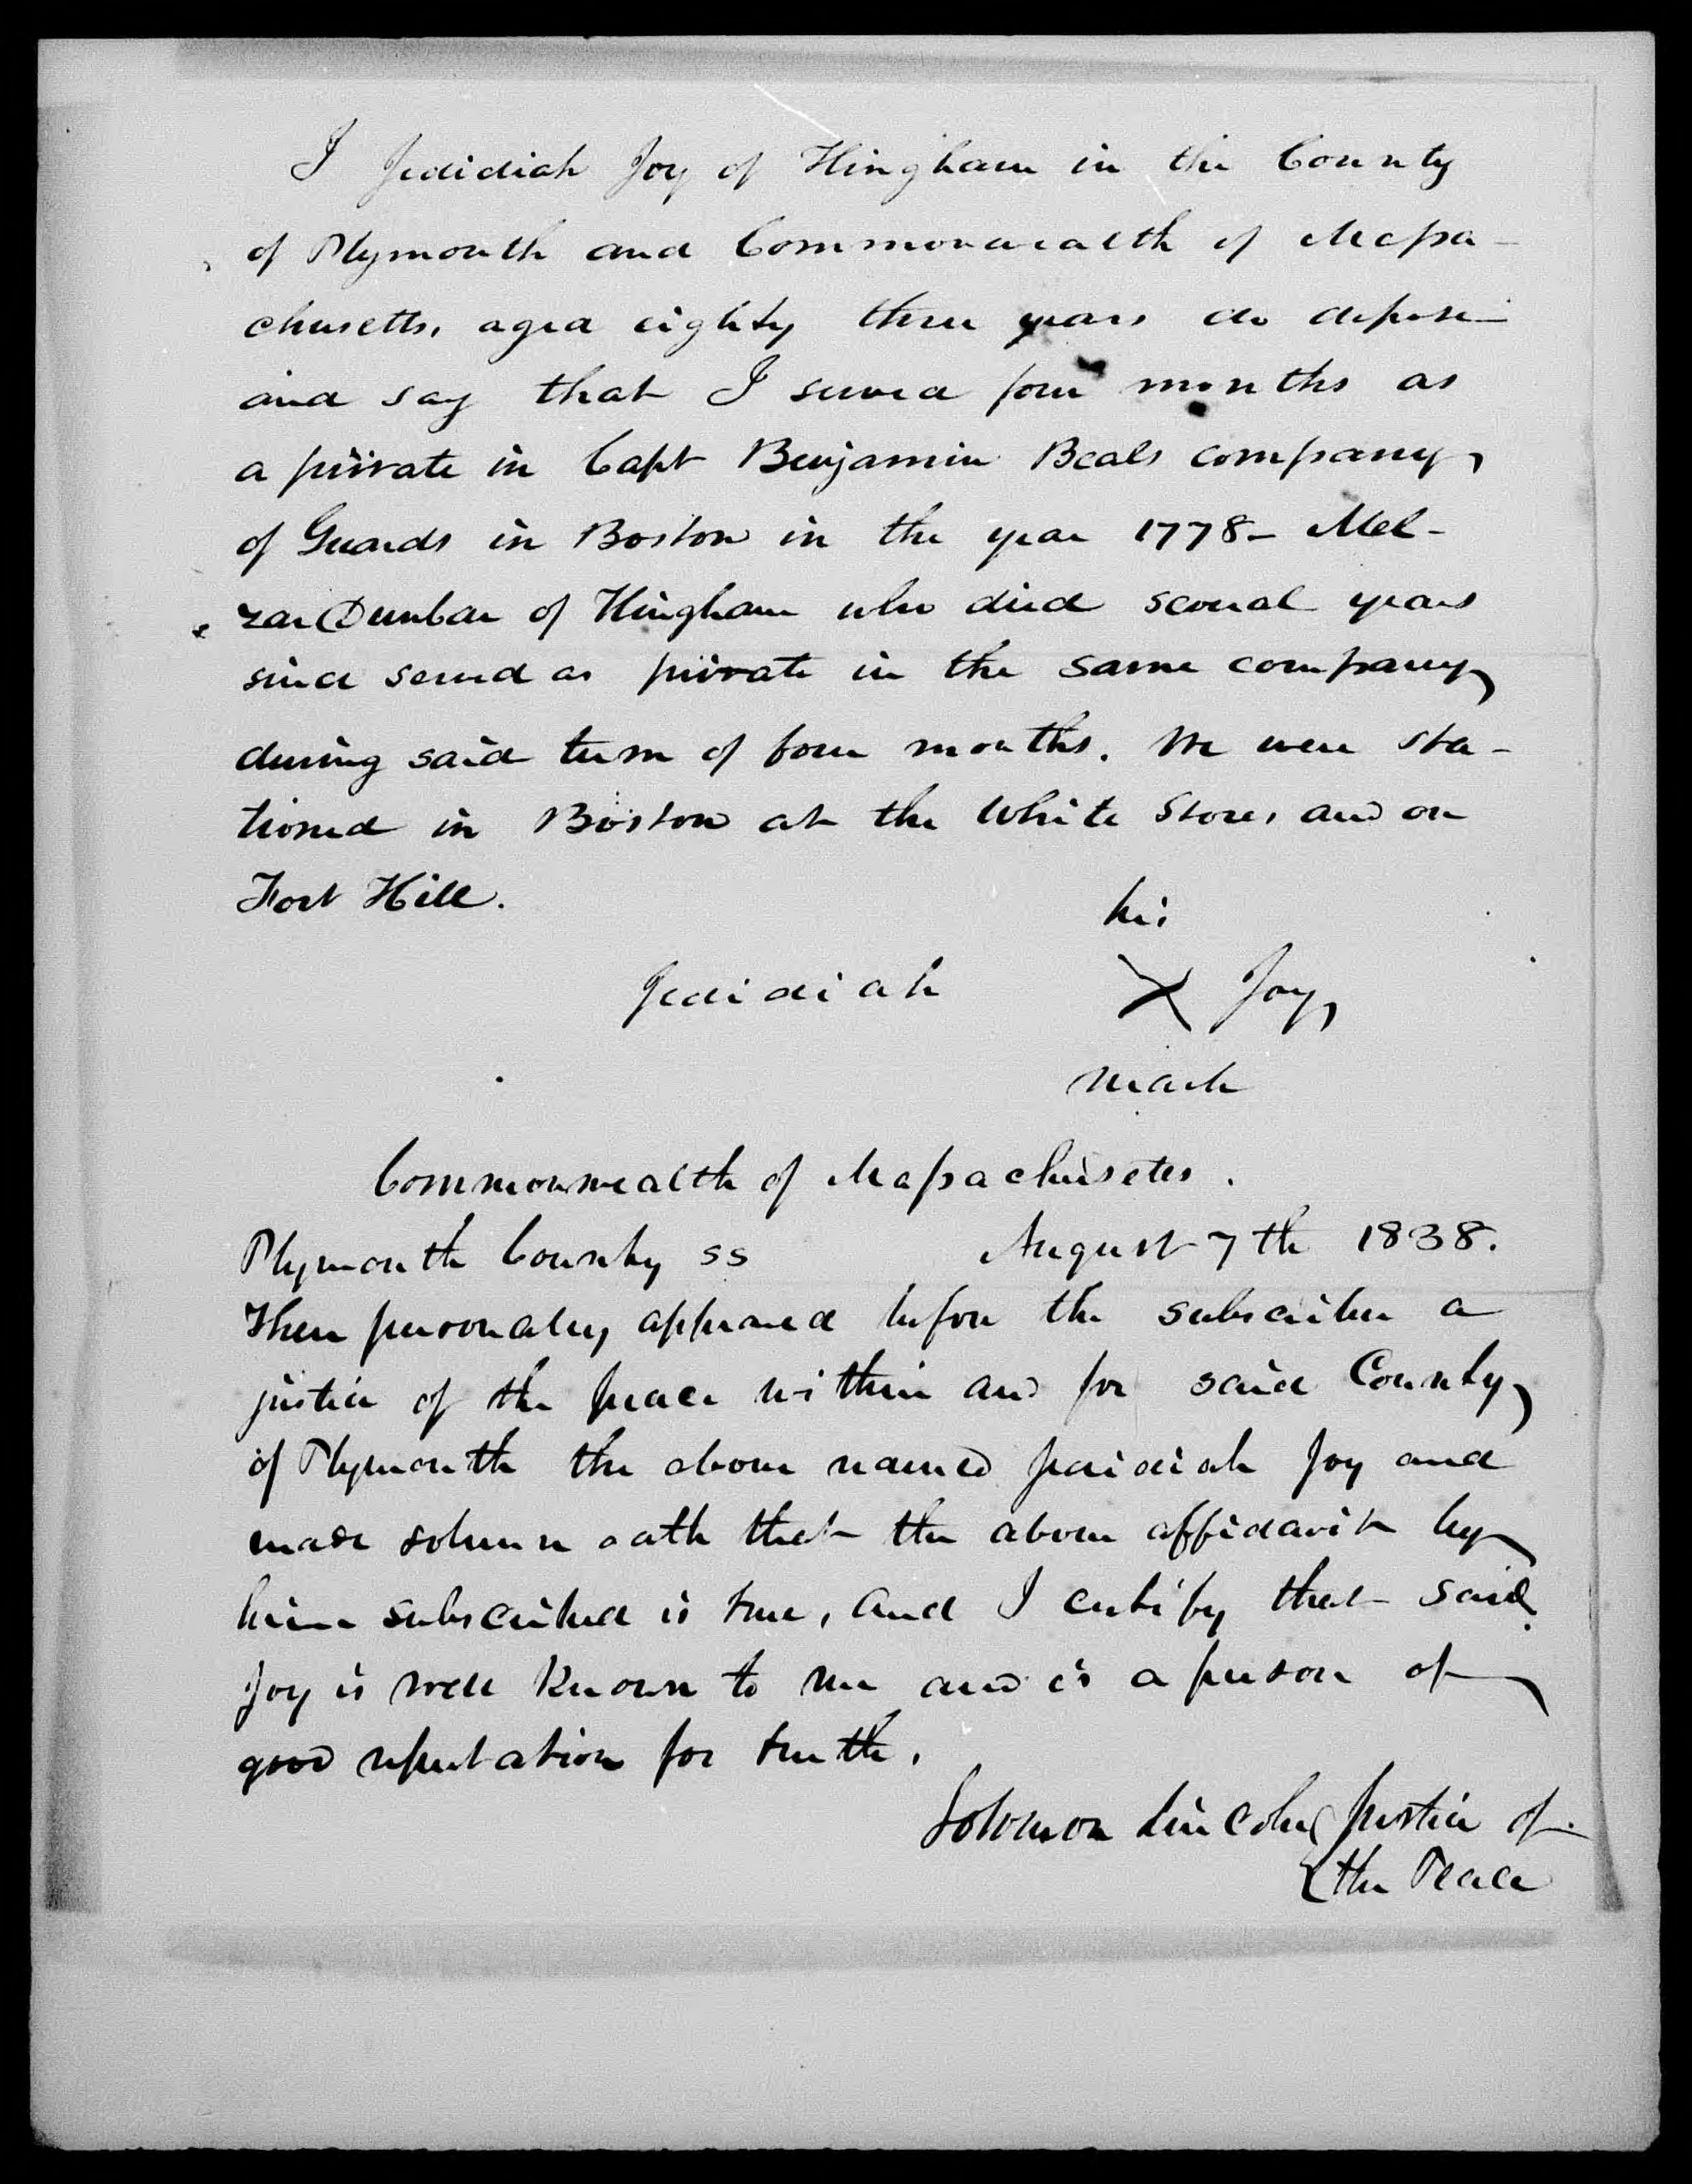I Jedidiah Joy of Hingham in the County of Plymouth and Commonwealth of Massachusetts, aged eighty three years do depose and say that I served four months as a private in Capt. Benjamin Beale's company of Guards in Boston in the year 1778 - Melzar Dunbar of Hingham who did several years since served as private in the same company, during said term of four months, we were stationed n Boston at the White Shores and on Fort Hill.

Jedidiah Joy his X mark


Commonwealth of Massachusetts
Plymouth Co.  ss.  August 7th 1838

Then personally appeared before the subscriber a Justice of the Peace within and for said County of Plymouth the above named Jedidiah Joy and solemn oath that the above affidavit by him subscribed is true, and I certify that said Joy is well known to me and is a person of good reputation for truth.

Solomon Lincoln 
Justice of the Peace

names: Joy, Melzar Dunbar, Solomon Lincoln, Jedidiah Joy, Jedidiah Joy, Jedidiah Joy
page: 22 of 26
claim: widow's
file: W. 14657, Melzar Dunbar, Mass.